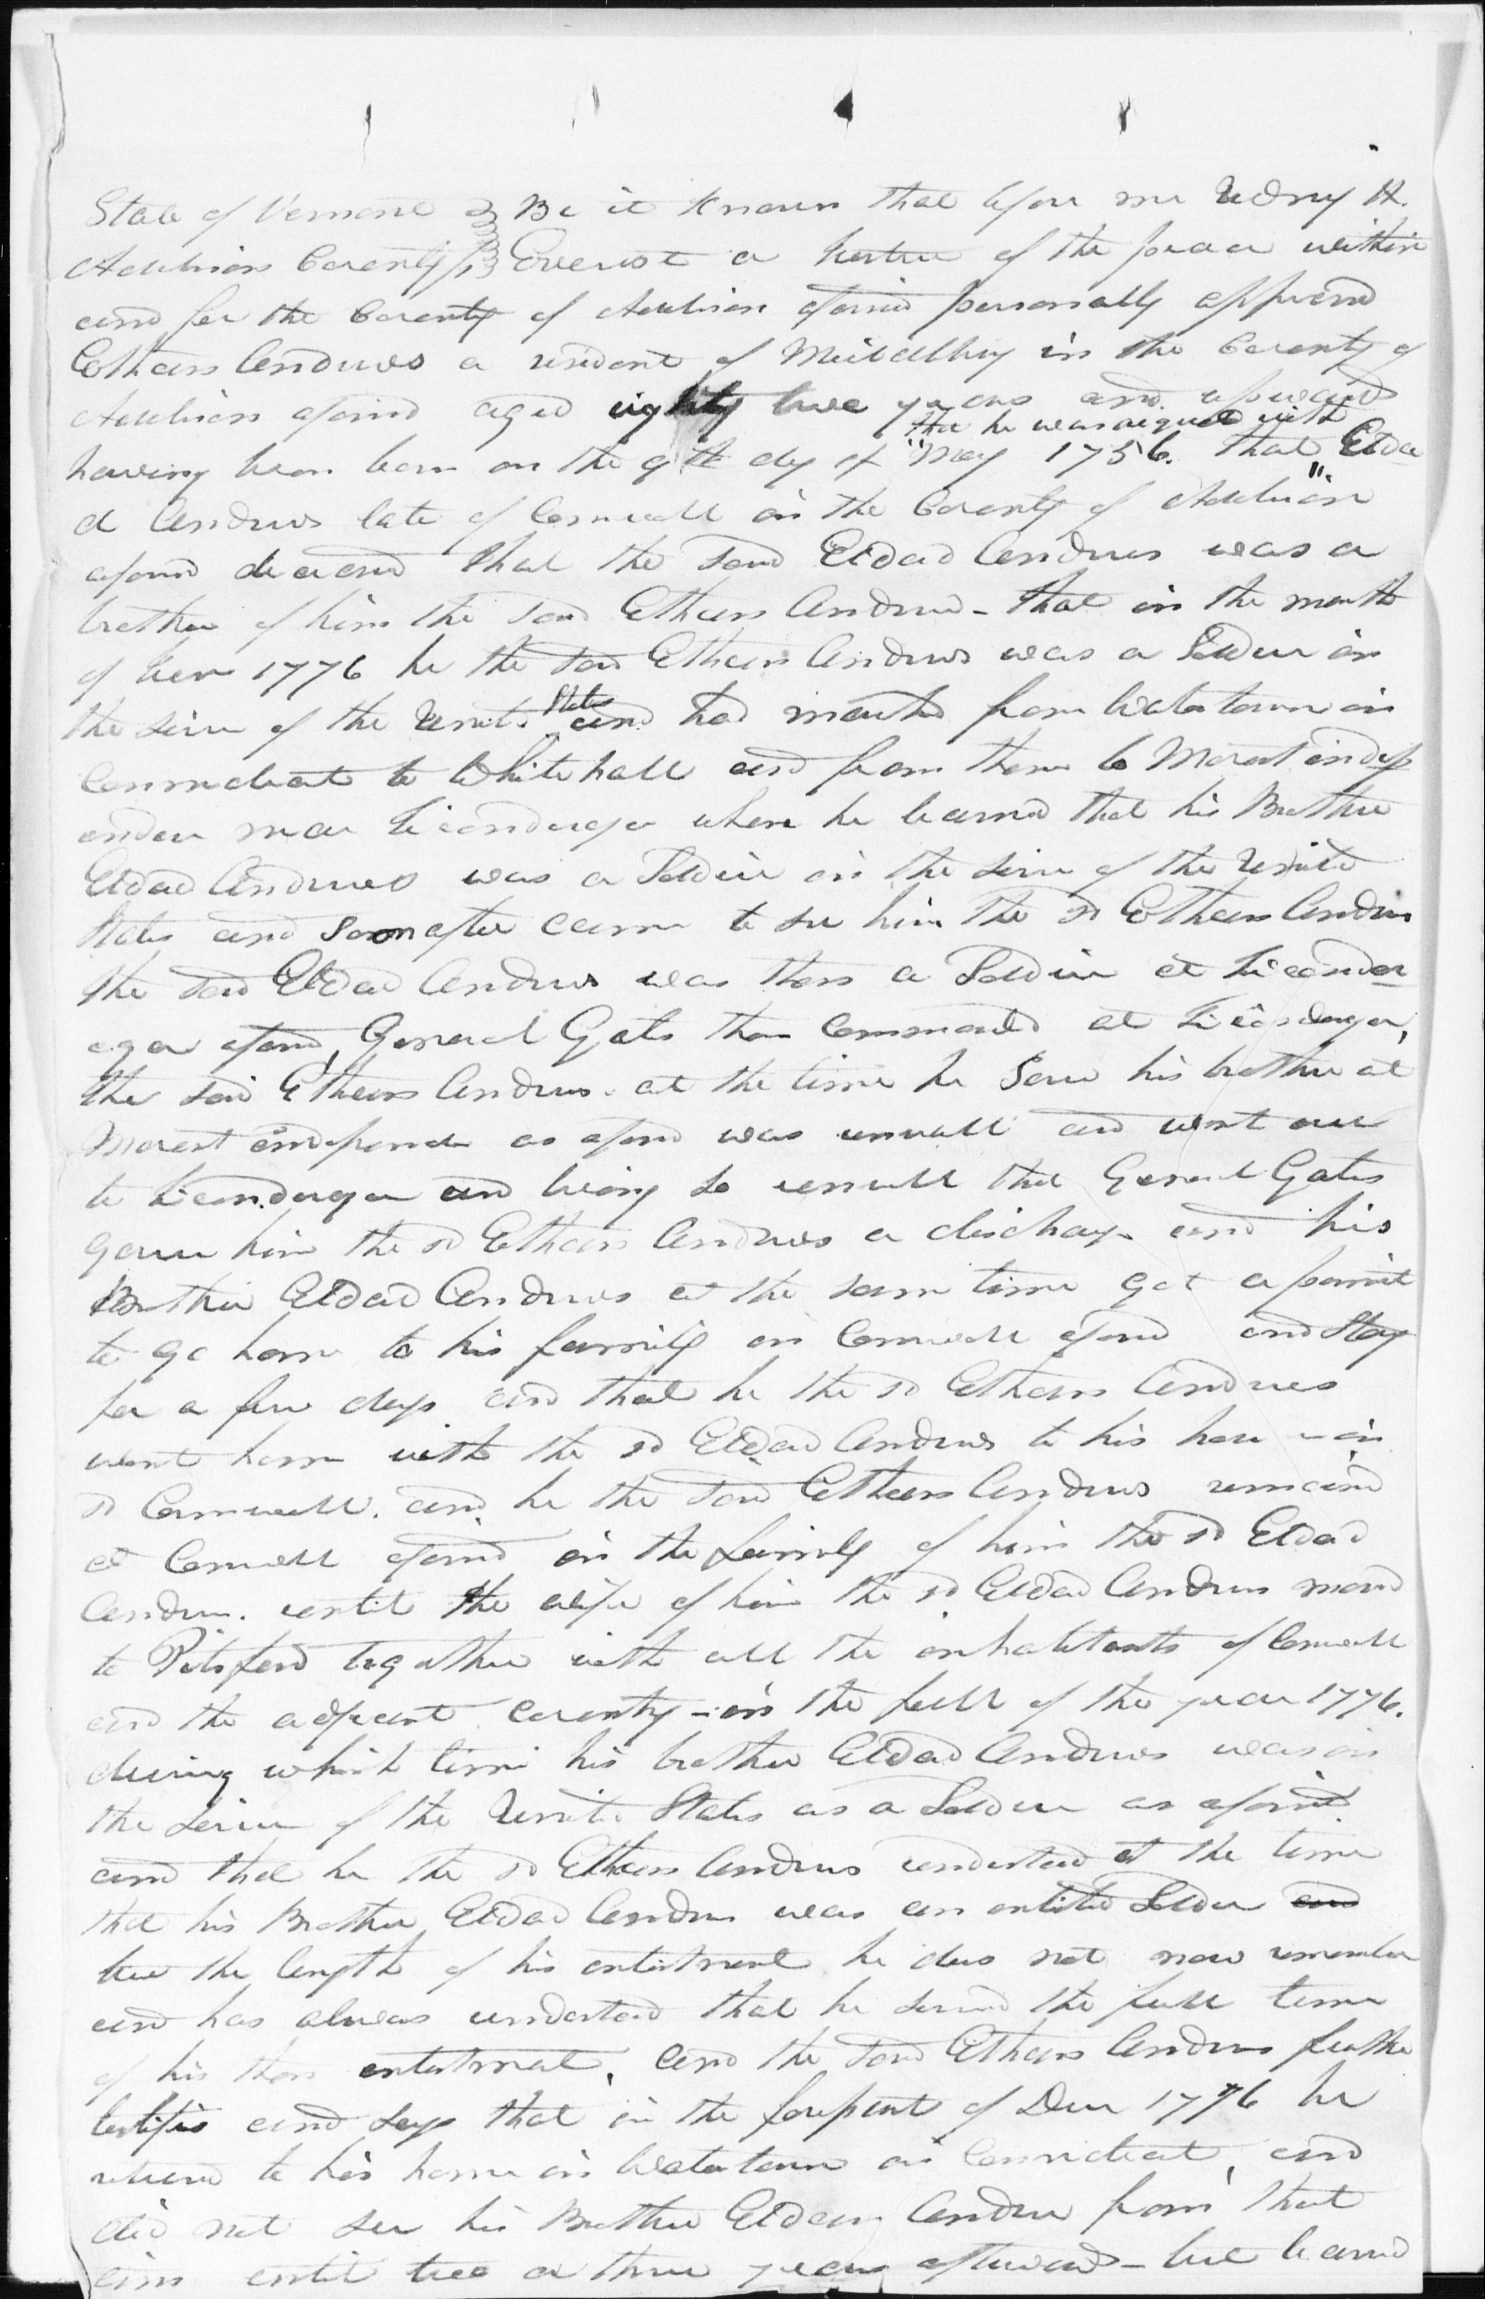State of Vermont⎬ 
Addison County ss.}
Be it known that before me Edny H Everest a Justice of the peace within and for the County of Addison formed personally appeared
Eldad Andrews a resident of Muibury in the County of Addison aforesaid aged eighty two
years [That he was argued with] and aforesaid having been born on the 9th day of May 1756. That said Eldad Andrews  late of Cornell in the County of Addison aforesaid decided that the said Eldad Andrews was a brother of him the said Ethen Andrews- and that in the month
of year 1776 he the said Ethen Andrews was a soldier in the same of the unit state and had march from Watertown in Comchat to Whitehall and from there to march and under war Ticonderoga where he learned that his Brother
Eldad Andrews was a soldier in the line of the United States and soon after came to see him
the said Ethen Andrews, the said Eldad Andrews was then a Soldier at Ticonderoga
after General Gats then commander at Ticonderoga, the said Ethen Andrews at the time he saw his brother at march defend as aforesaid was recall and went one to Ticonderoga and being to Cornell that Gen Gates gave him the said Ethan Andrews a discharge and his brother Eldad Andrews at the same time get a permit to go home to his family on Cornell and stay for a few days and that he the sd Ethan Andrews went there with the sd Eldad Andrews to his home in Cornell, and he the said Ethan Andrews remained at Cornell  aforesaid on the family of him the sd Eldad
Andrews until the wife of him the sd Eldad Andrews moved to Pitsford together with all the inhabitants of Cornell and the adjacent county- in the fall of the year 1776.
During which time his brother Eldad Andrew was on the service of the United States as a soldier as aforesaid and that he the said Ethan Andrews rendered at the time that his Brother Eldad Andrews was an enlisted soldier  for the length of his enlistment he does not now remember and has always understand that he served the full time of his then enlistment, and the said Ethan Andrews further testifies  and says that in the forepart of Dec 1776 he went to his home is Watertown as Comchat and did not see his Brother Eldad Andrews from that time until two to three years afterwards-but he and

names: Ethan Andrws, Eldad Andrws, Eldad Andrus, Elda A Andrus, Eldad Andrws, Ethan Andrws, Ethan Andrus, Ethan Andrus, Ethan Andrus, Ethan Andrus, Edny H Addison, Everest, Ethan Andrus, Eldad Andrus, Eldad Andrus, Ethan Andrew, Eldad Andrus, Ethan Andrus, Eldad Andrws, Ethan Andrus, Eldad Andrus, Gates, Eldad Andrus, Gates, Eldan Andru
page: 7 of 27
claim: rejected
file: R. 223, Eldad Andrus, Vt.